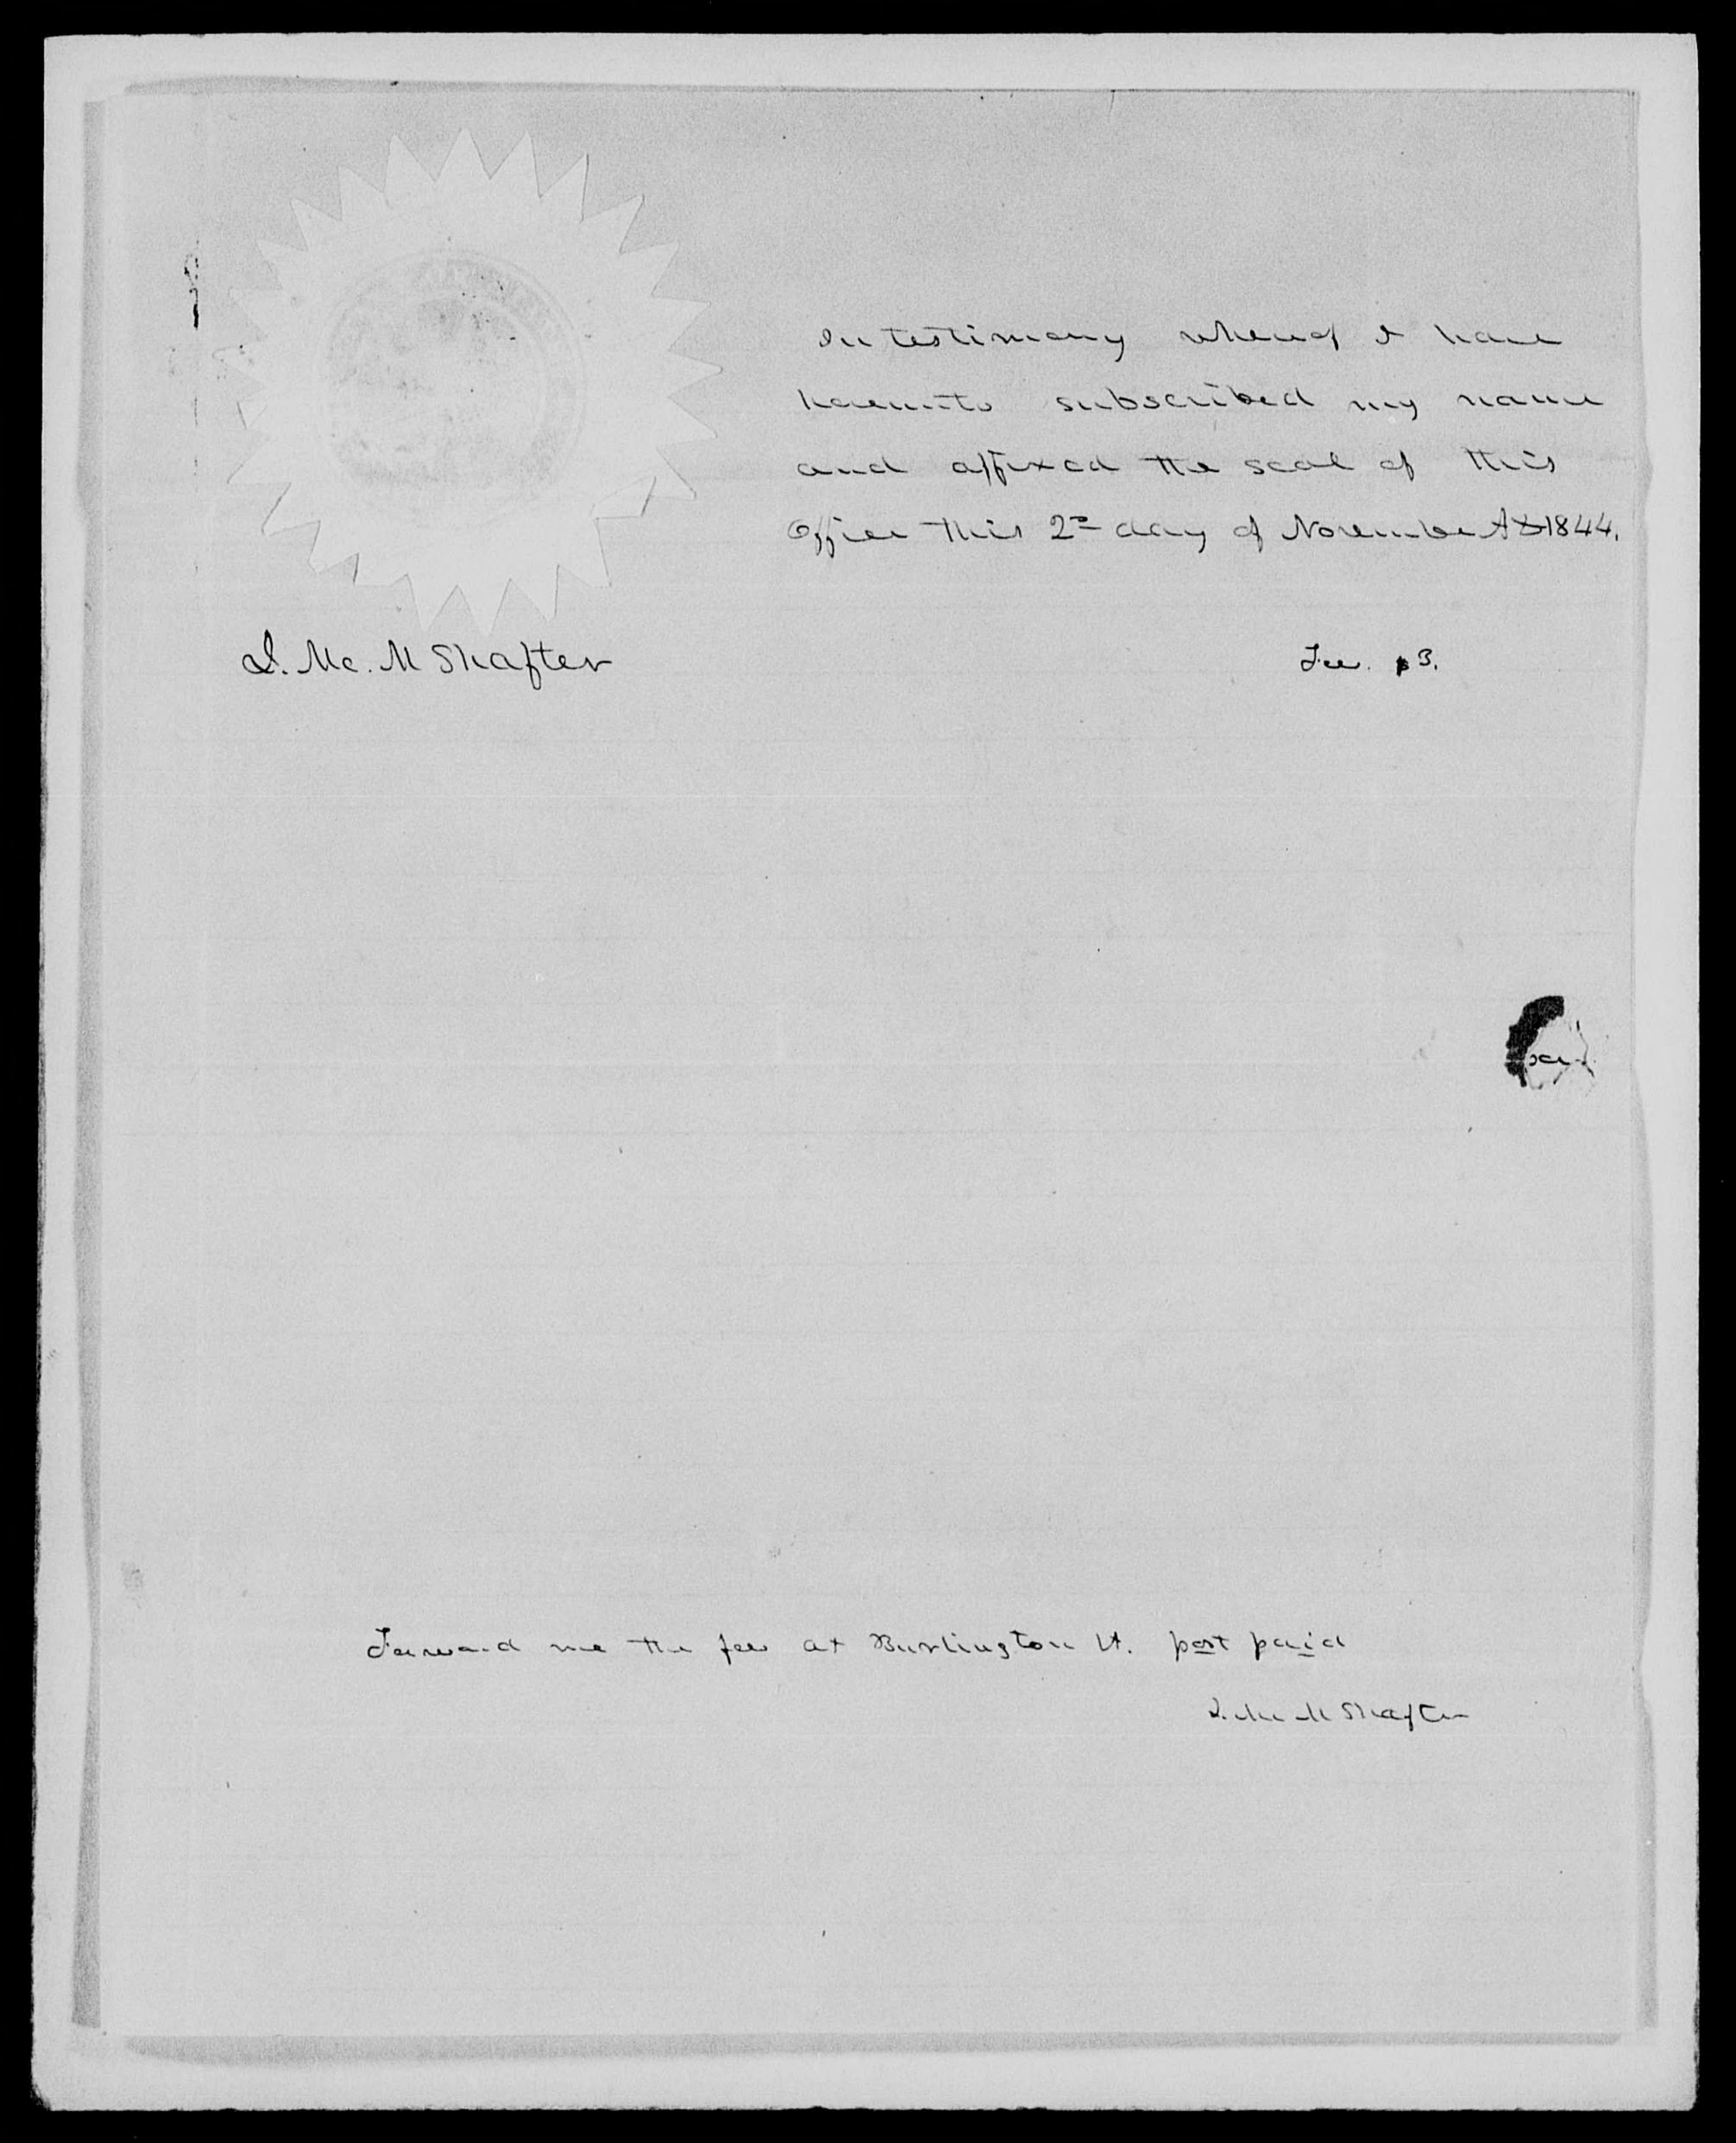Seal affixed


In testimony whereof I have herewith subscribed my name and affixed the seal of this Office this 2nd day of November AD 1844.
J. M. M Shafter

Forward me the fee at Burlington Vt post paid.
J. M. M Shafter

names: J Mc M Shafter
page: 88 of 144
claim: rejected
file: R. 5208, Dennis Hopkins, N.C.